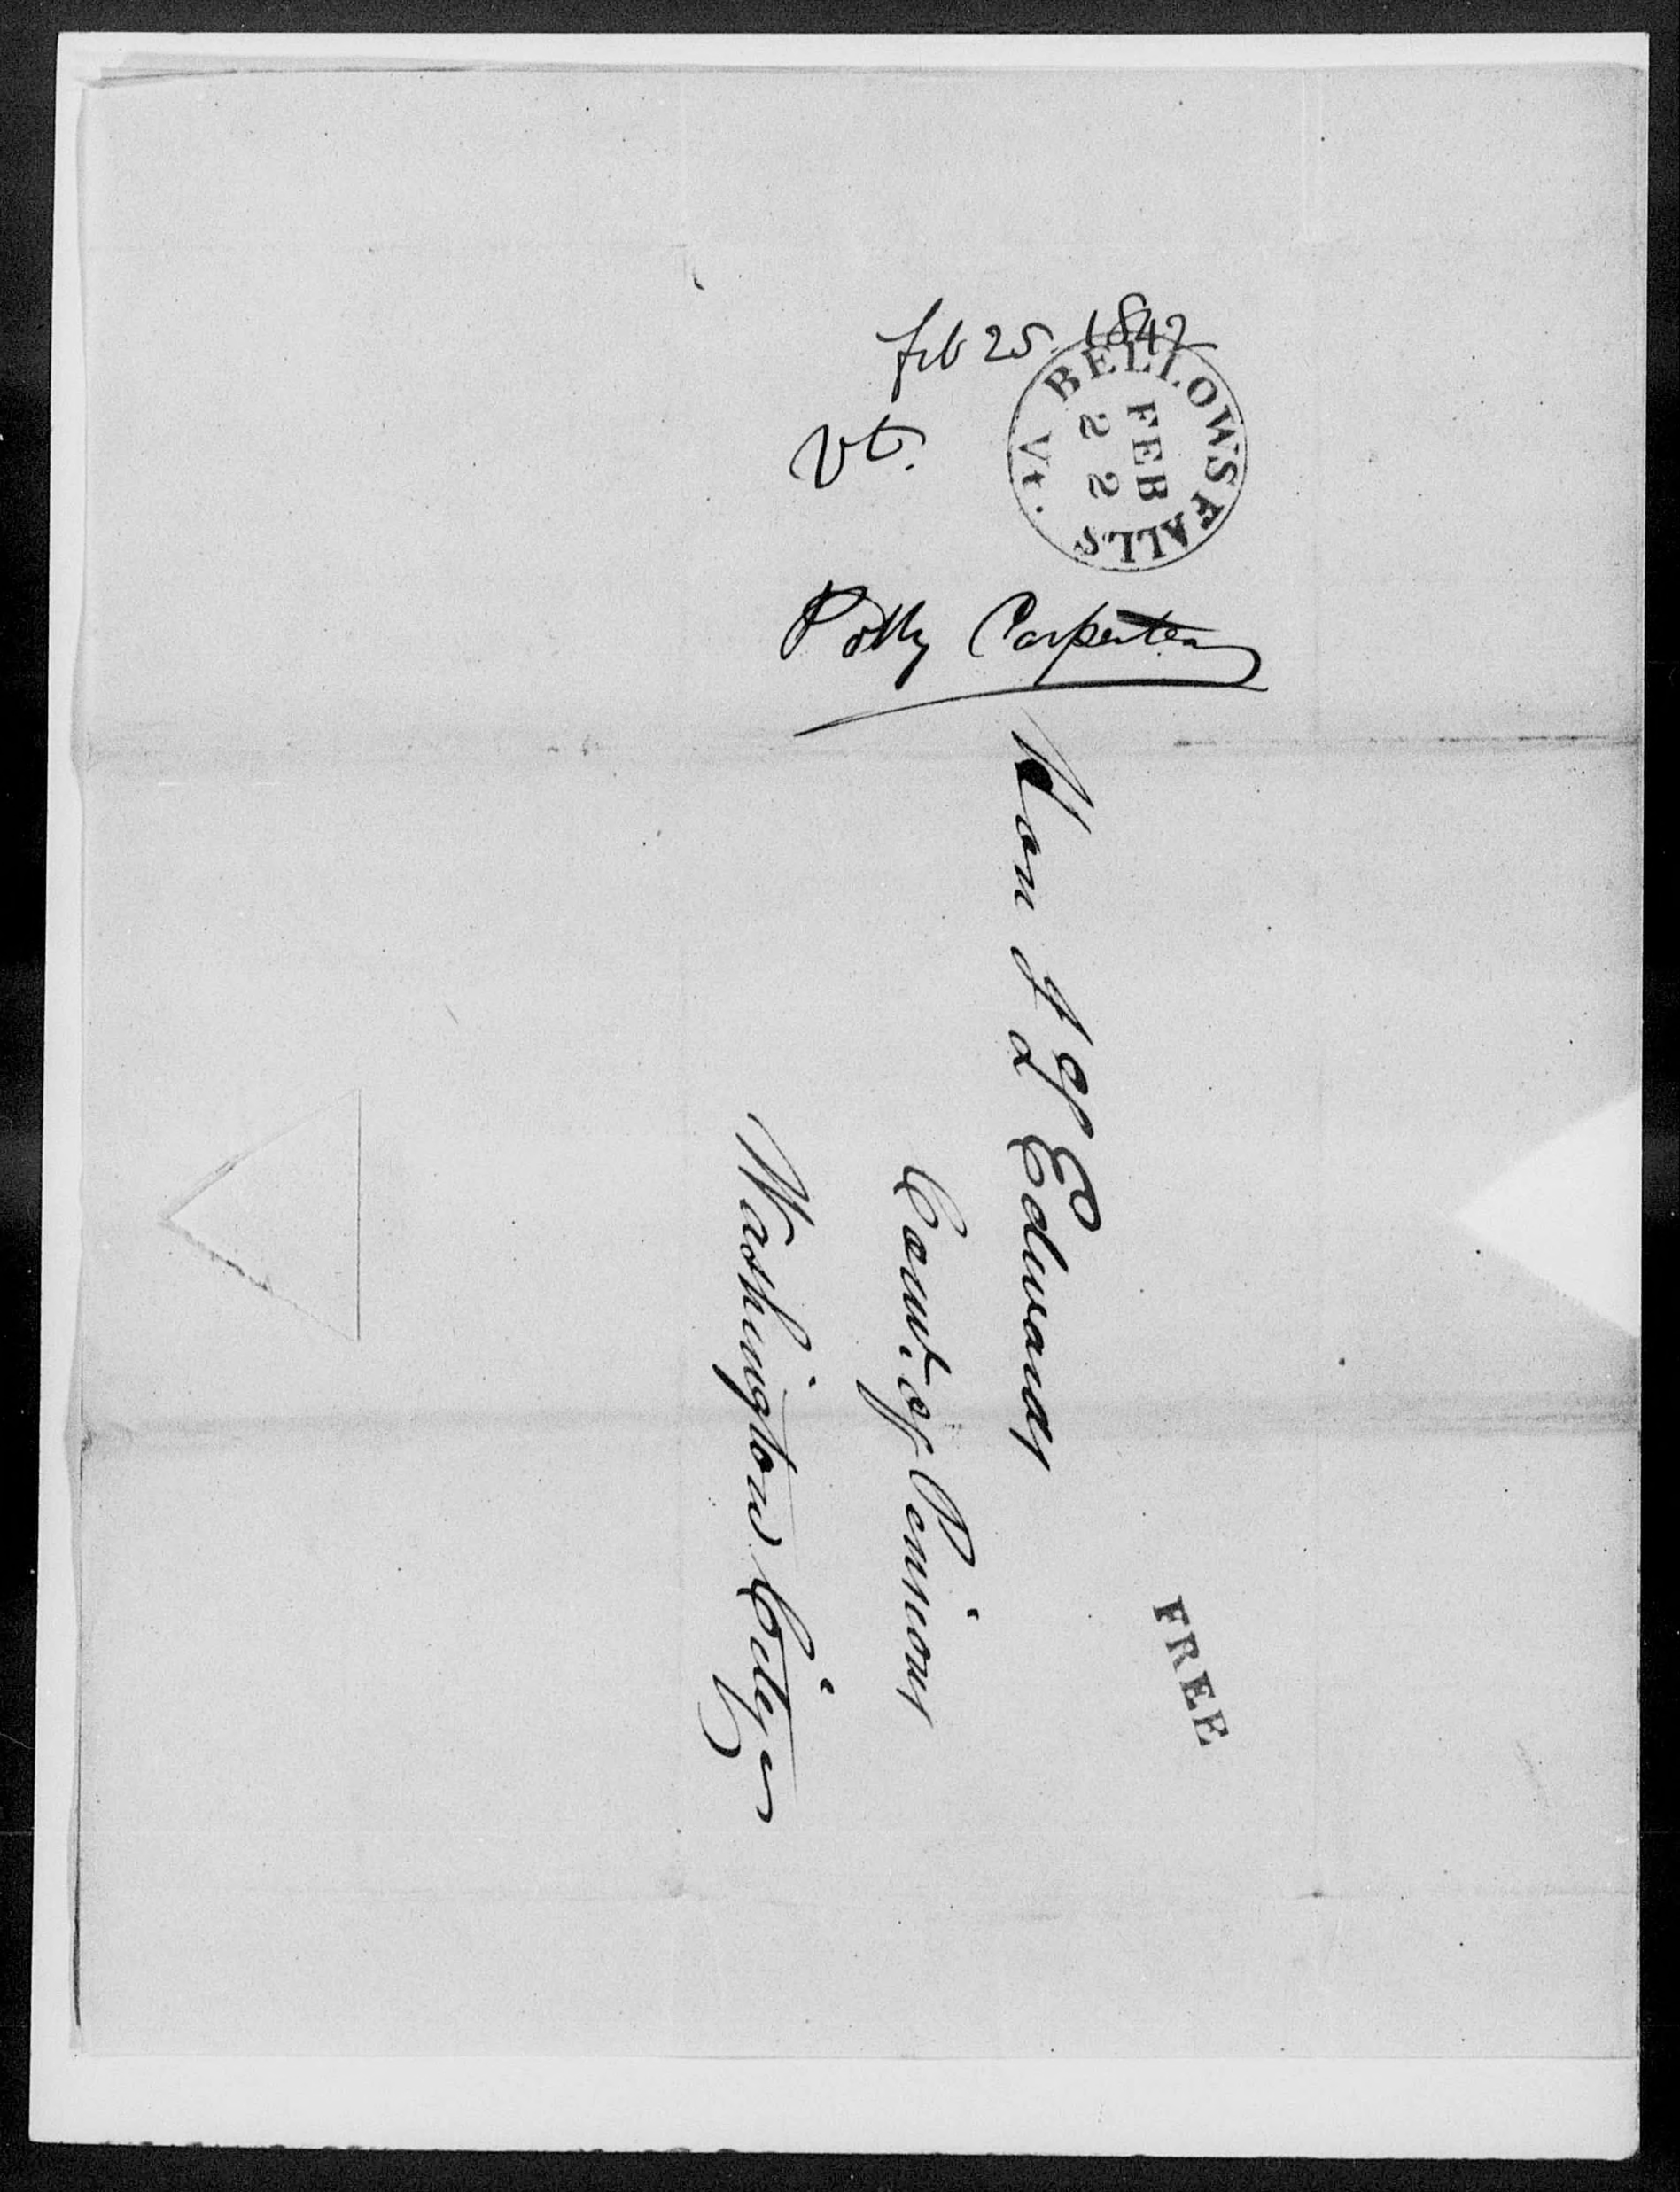[addressed envelope]

[postmark: BELLOWS FALLS VT. FEB 22]
FREE
Hon J. L. Edwards
Com'r of Pensions
Washington City 

[annotated: feb 25 1842 Vt. Polly Carpenter]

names: J L Edwards, Polly Carpenter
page: 28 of 41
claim: widow's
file: W. 15627, Timothy Carpenter, Vt.